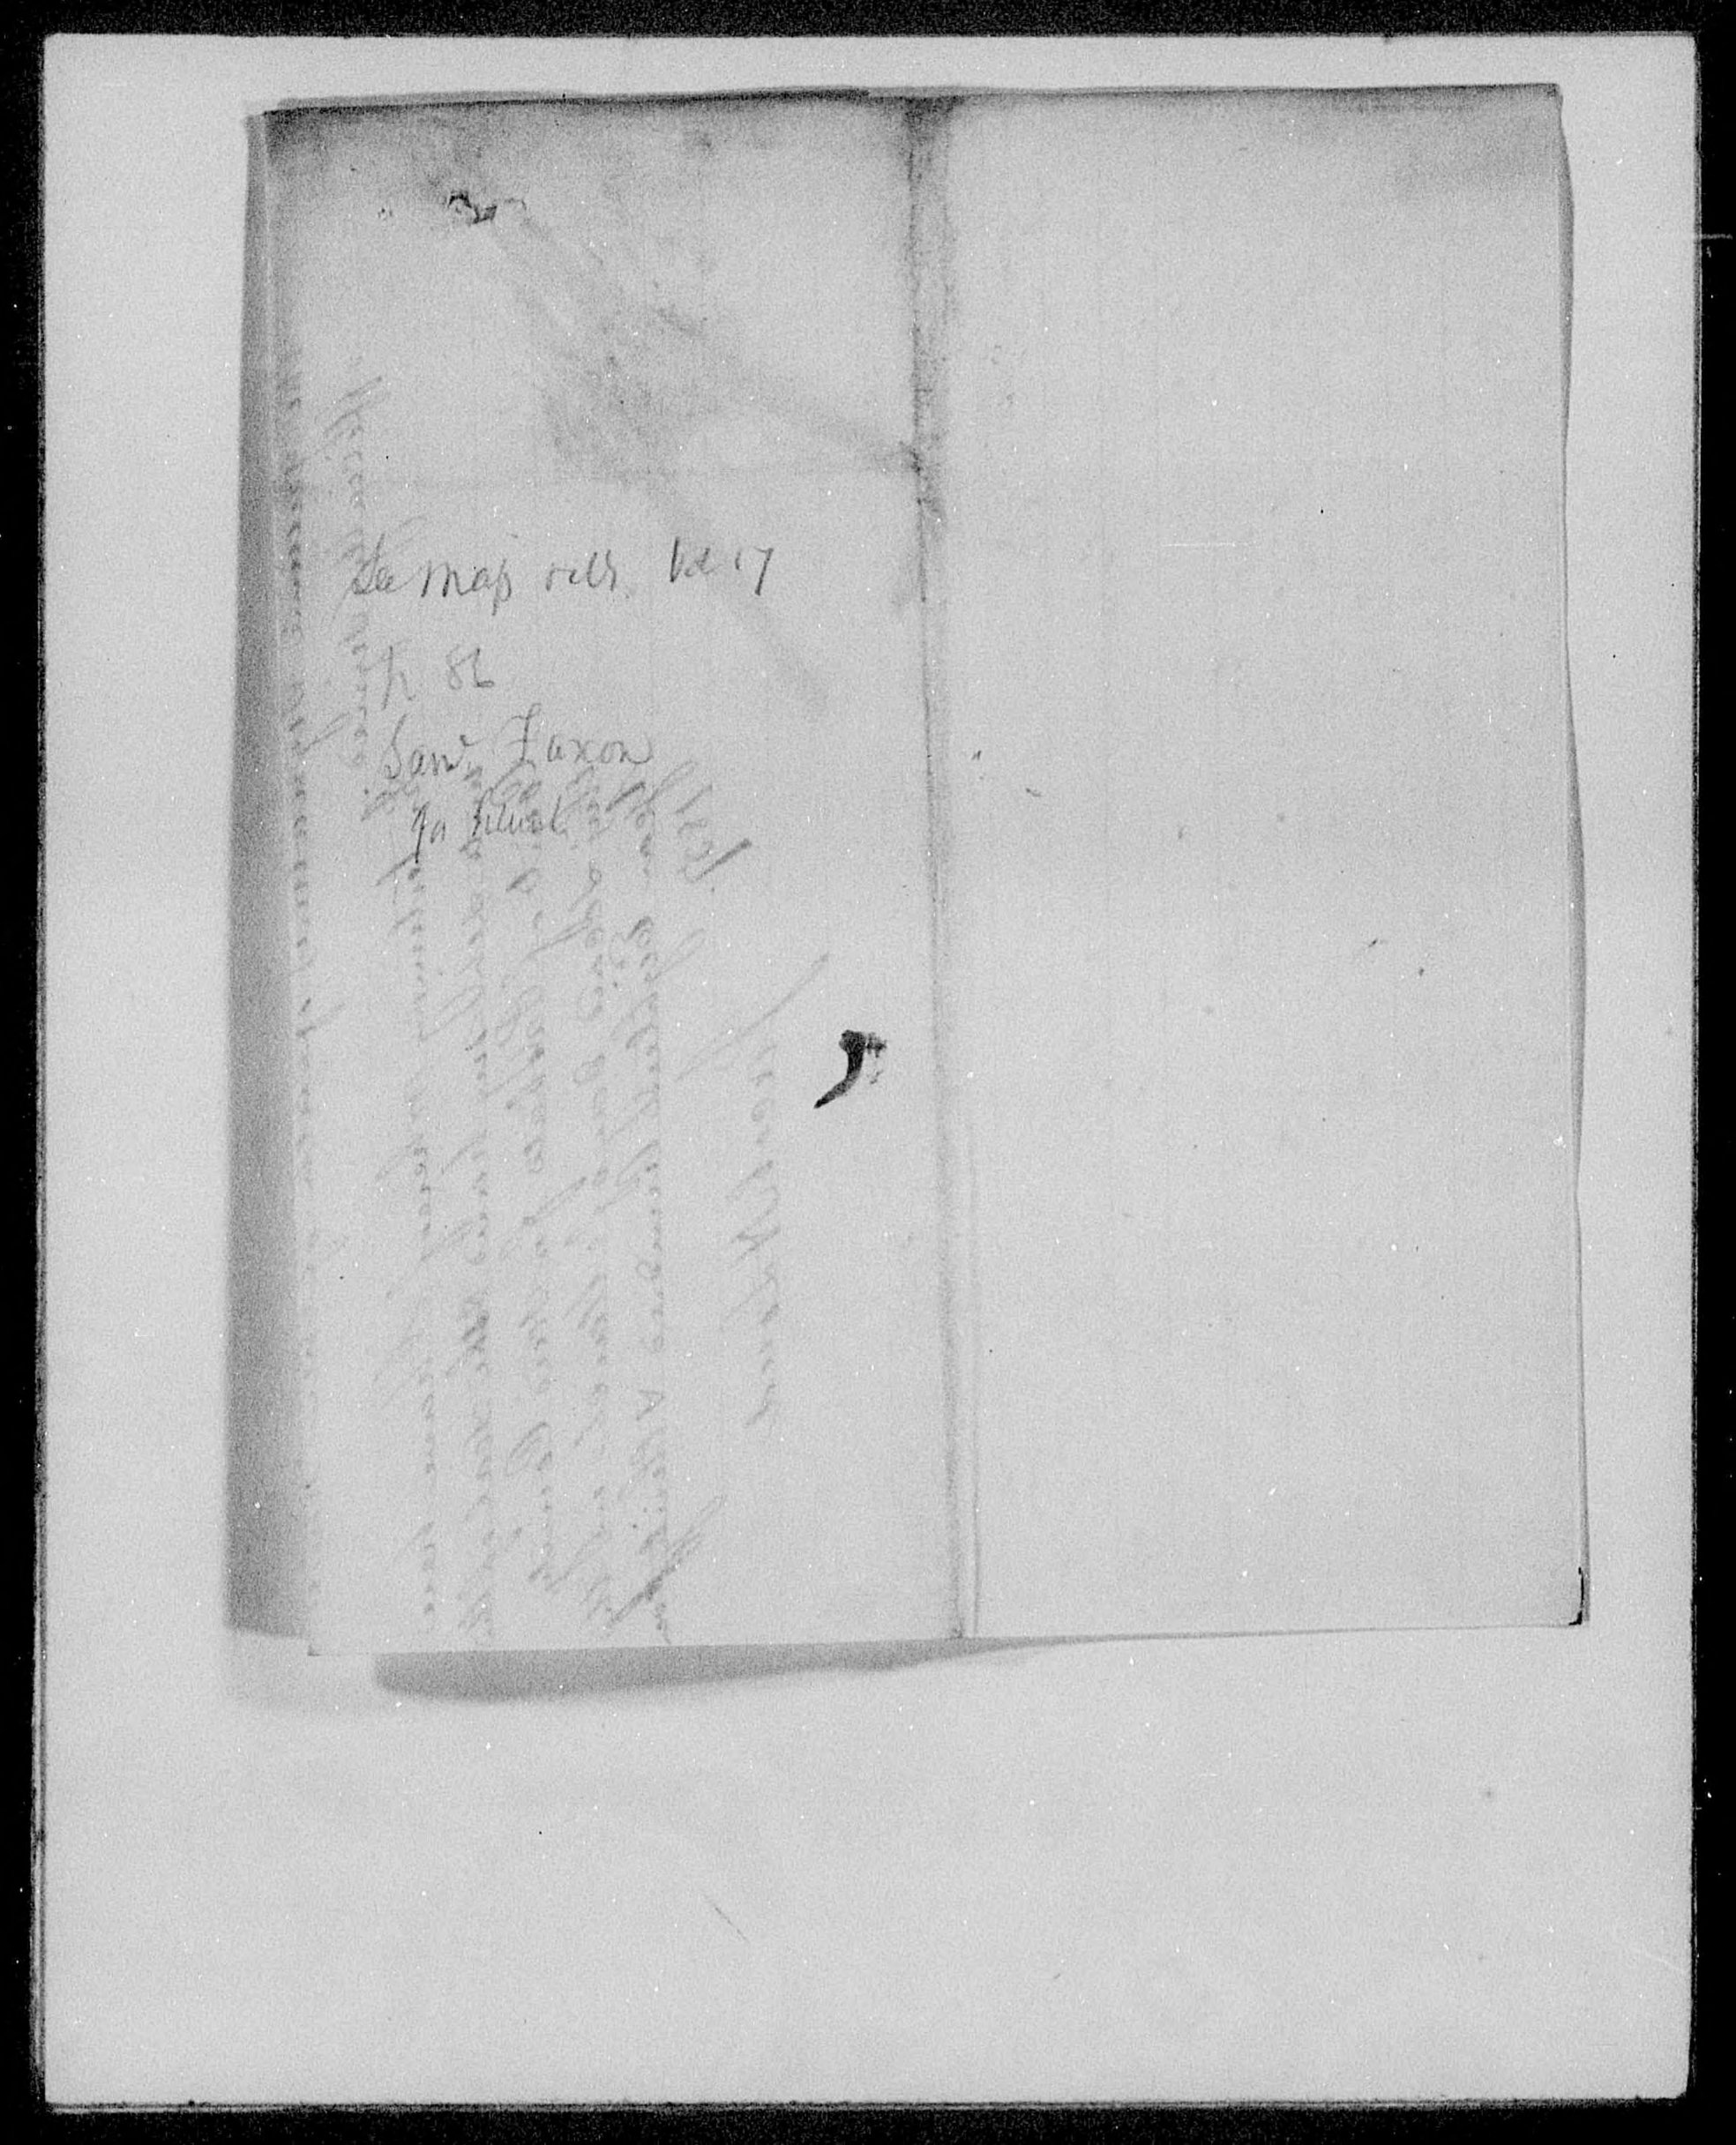See Mass roll Vol 17

n 86
Saml Faxon
[illegible]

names: Saml Faxon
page: 31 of 47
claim: widow's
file: W. 14703, Elisha Faxon, Mass